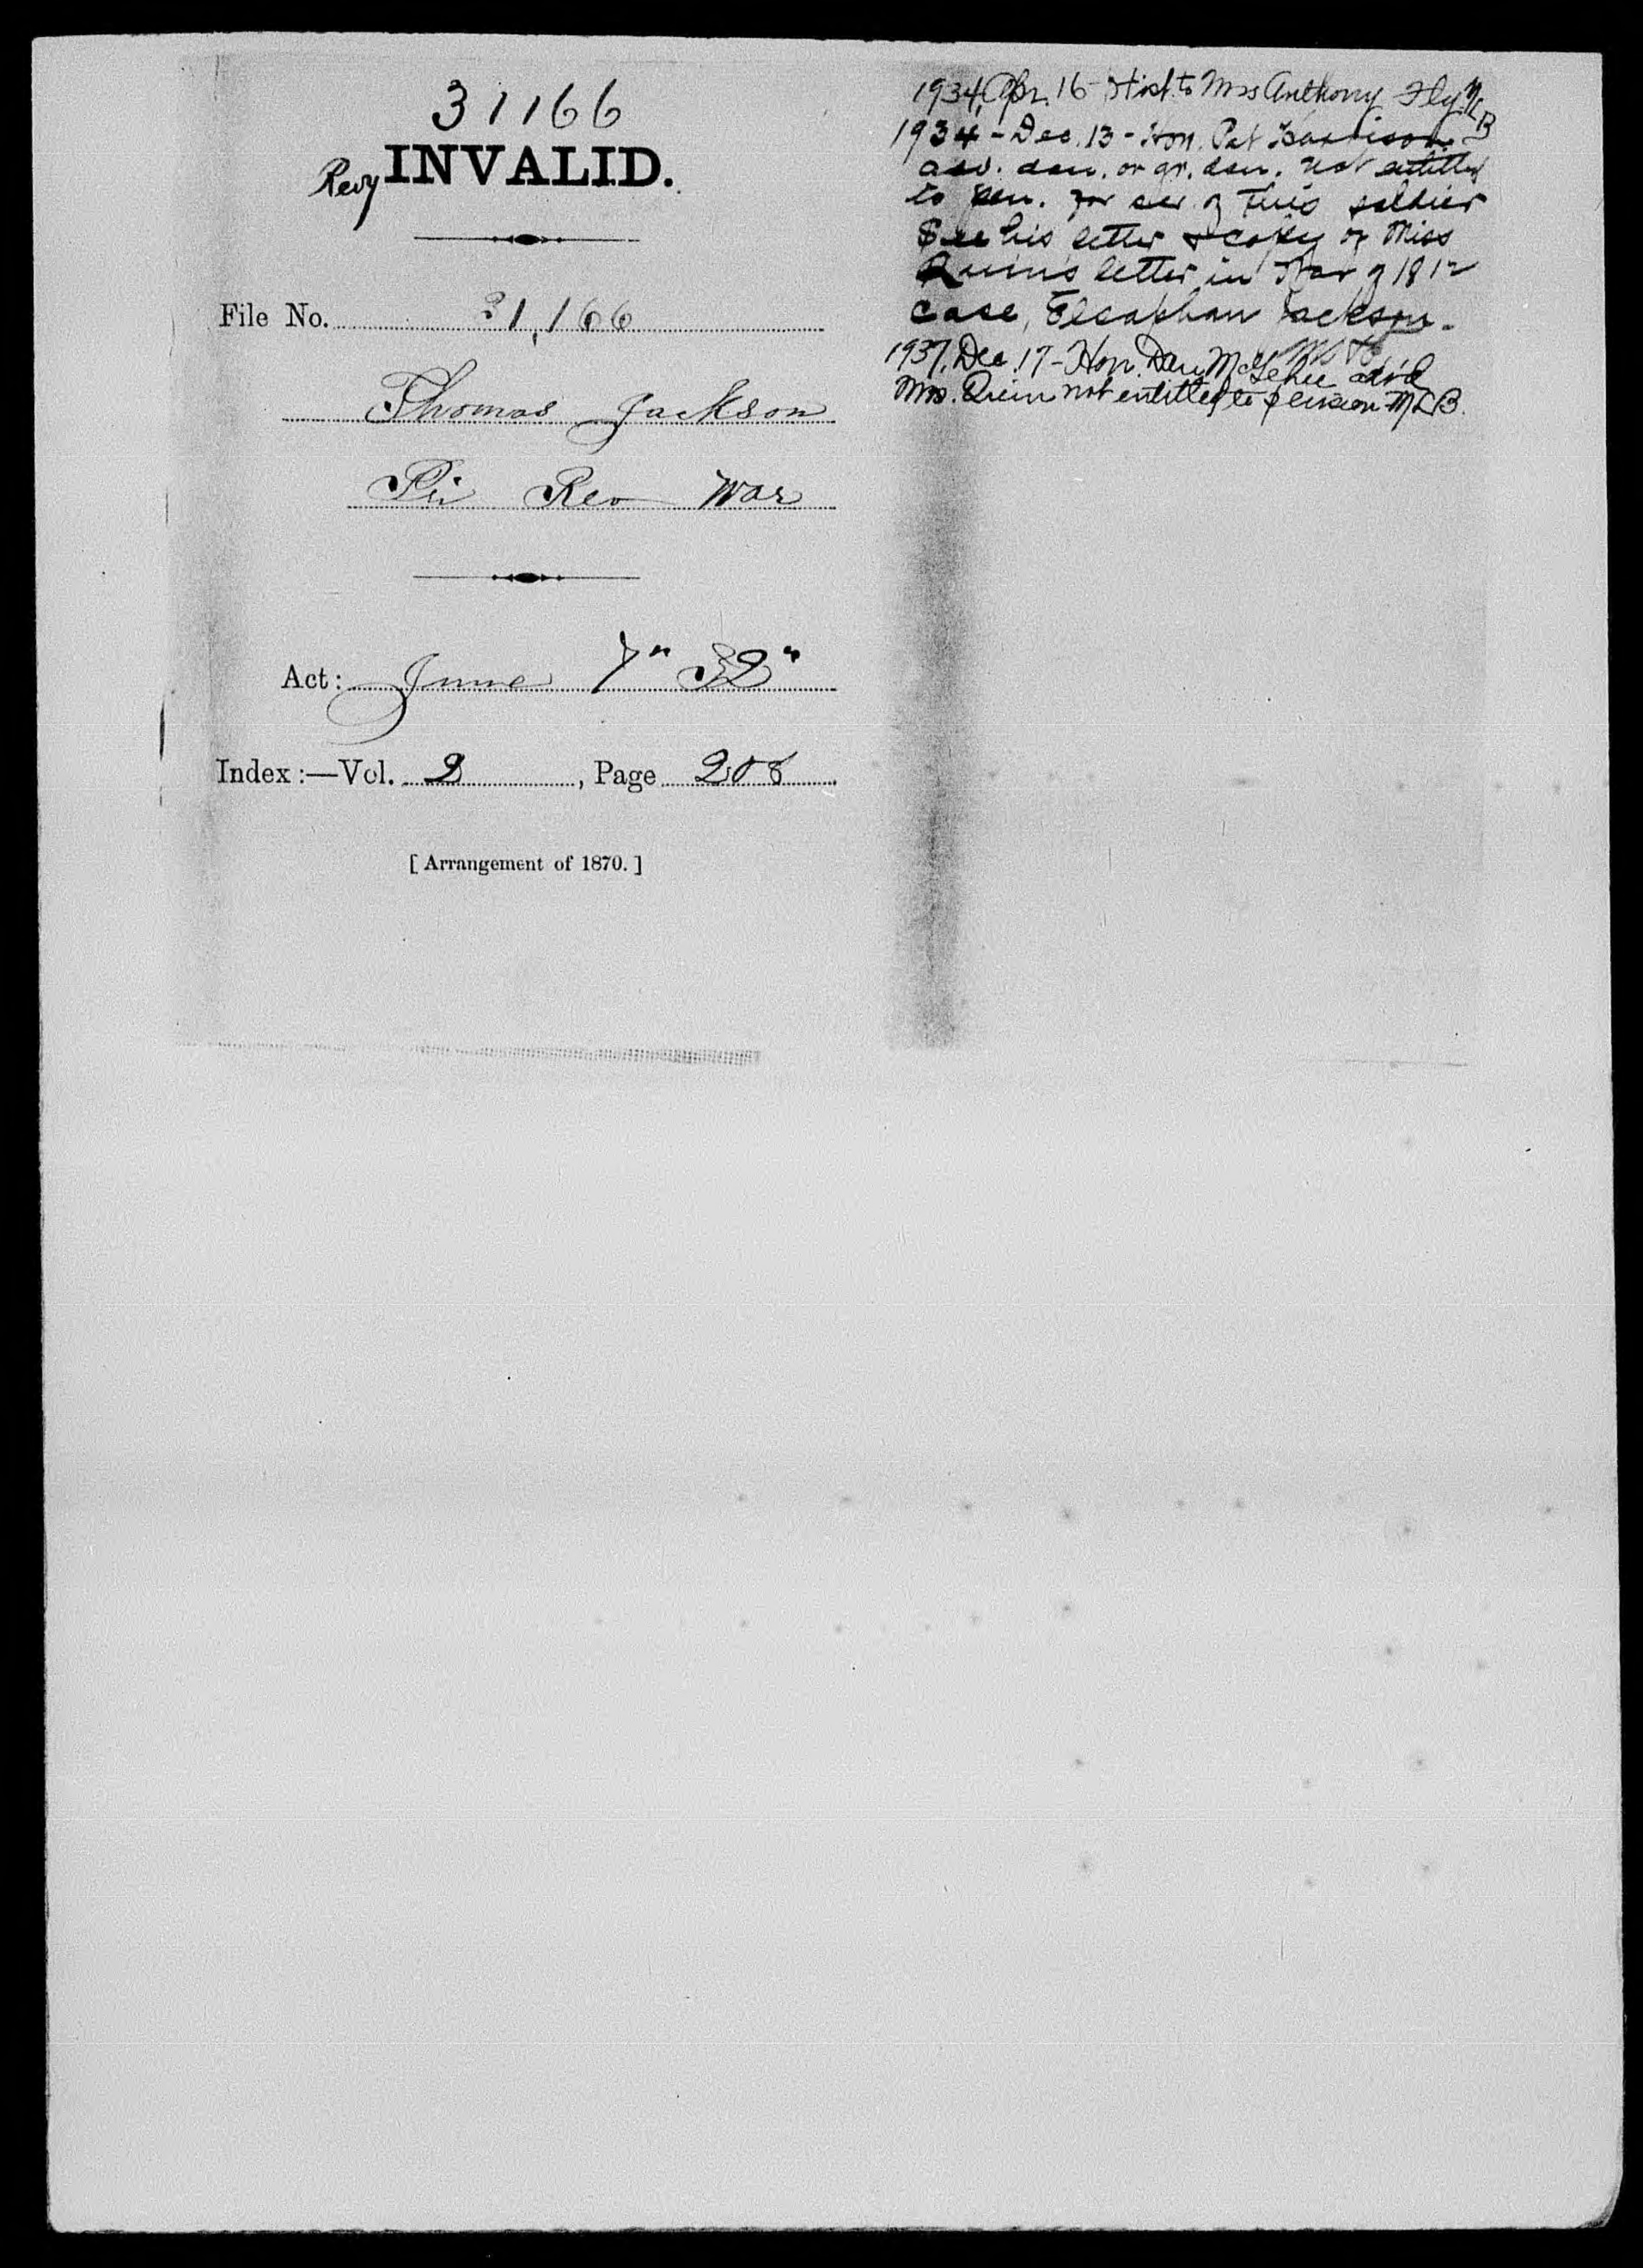[left side of page]
31166
Revy INVALID.
File No. 31166
Thomas Jackson
Pri Rev War
Act: June 7" 32"
Index: -- Vol. D, Page 208
(Arrangement of 1870.)
-
[right side of page]
1934 Apr 16- Hist to Mrs Anthony Fly MLB
1934 Dec 13 Hon. Pet. Harrison.
[illegible], not entitled
to pen. for ser. of this soldier
See his letter & copy of Miss
Quinn's letter in Mar of 1812
case, Elsaphin Jackson
1937 Dec 17- Hon Dan McGehee and
Mrs. Quin not entitled to pension MLB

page: 20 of 54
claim: survivor's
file: S. 31166, for Thomas Jackson, South Carolina